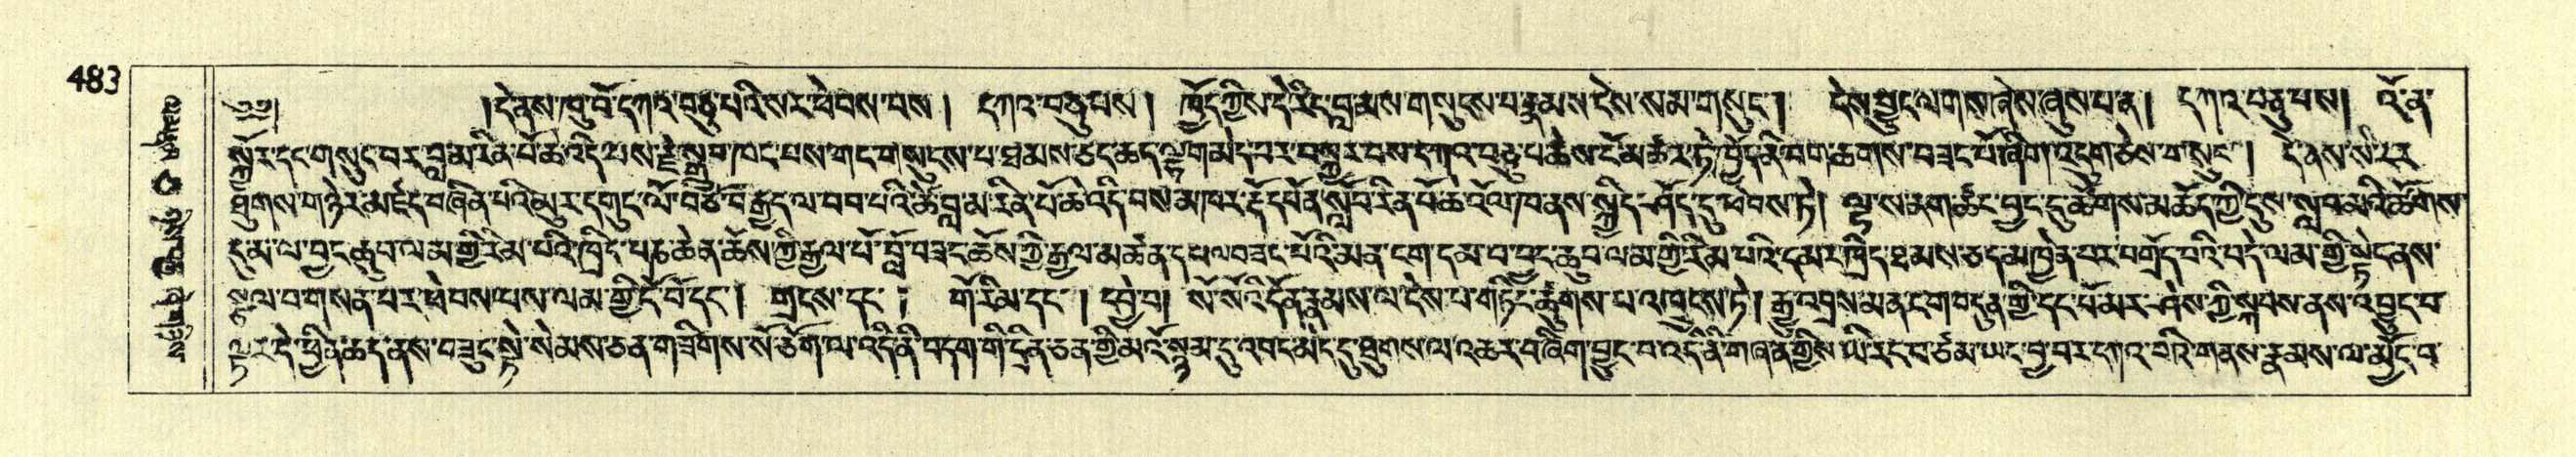༄༅། །དེ་ནས་ཁུ་བོ་དཀའ་བཅུ་པའི་སར་ཕེབས་བས། དཀའ་བཅུ་པས། ཁྱོད་ཀྱིས་དེ་རིང་བླ་མས་གསུངས་པ་རྣམས་ངེས་སམ་གསུང་། དེས་བྱུང་ལགས་ཞེས་ཞུས་པ་ན། དཀའ་བཅུ་པས། འོ་ན་
སྐྱོར་དང་གསུང་བར་བླ་མ་རིན་པོ་ཆེ་འདི་ལས་རྗེ་སྒྲུབ་ཁང་པས་གང་གསུངས་པ་ཐམས་ཅད་ཆད་ལྷག་མེད་པར་བསྐྱར་བས་དཀའ་བཅུ་པ་ཆེས་ངོ་མཚར་ཏེ་ཁྱོད་ནི་བག་ཆགས་བཟང་པོ་ཞིག་འདུག་ཅེས་གསུང་། དེ་ནས་ས་རར་
ཐུགས་གཉེར་མཛད་བཞིན་པའི་མུར་དགུང་ལོ་བཅོ་བརྒྱད་ལ་བབ་པའི་ཚེ་བླ་མ་རིན་པོ་ཆེ་འདི་བས་མཁར་རྡོ་དཔོན་སློབ་རིན་པོ་ཆེ་འོལ་ཁ་ནས་སྐྱིད་ཤོད་དུ་ཕེབས་ཏེ། ལྷ་ས་ནག་ཚང་བྱང་དུ་ཚོགས་མཆོད་ཀྱི་དུས་སླབ་མའི་ཚོགས་
དུ་མ་ལ་བྱང་ཆུབ་ལམ་གྱི་རིམ་པའི་ཁྲིད་པཎ་ཆེན་ཆོས་ཀྱི་རྒྱལ་པོ་བློ་བཟང་ཆོས་ཀྱི་རྒྱལ་མཚན་དཔལ་བཟང་པོའི་མན་ངག་དམ་པ་བྱང་ཆུབ་ལམ་གྱི་རིམ་པའི་དམར་ཁྲིད་ཐམས་ཅད་མཁྱེན་པར་བགྲོད་པའི་བདེ་ལམ་གྱི་སྟེང་ནས་
སྩལ་བ་གསན་པར་ཕེབས་པས་ལམ་གྱི་ངོ་བོ་དང་། གྲངས་དང་། གོ་རིམ་དང་། དབྱེ་བ། སོ་སོའི་དོན་རྣམས་ལ་ངེས་པ་གཏིང་ཚུགས་པ་འཁྲུངས་ཏེ། རྒྱུ་འབྲས་མན་ངག་བདུན་གྱི་དང་པོ་མར་ཤེས་ཀྱི་སྐབས་ནས་འབྱུང་བ་
ལྟར་དེ་ཕྱིན་ཆད་ནས་བཟུང་སྟེ་སེམས་ཅན་གཟིགས་སོ་ཅོག་ལ་འདི་ནི་བདག་གི་དྲིན་ཅན་གྱི་མའོ་སྙམ་དུ་འབང་མེད་དུ་ཐུགས་ལ་འཆར་བ་ཞིག་བྱུང་བ་འདི་ནི་གཞན་གྱིས་ཡི་རང་བ་ཙམ་ཡང་བྱ་བར་དཀའ་བའི་གནས་རྣམས་ལ་མྱོང་བ་